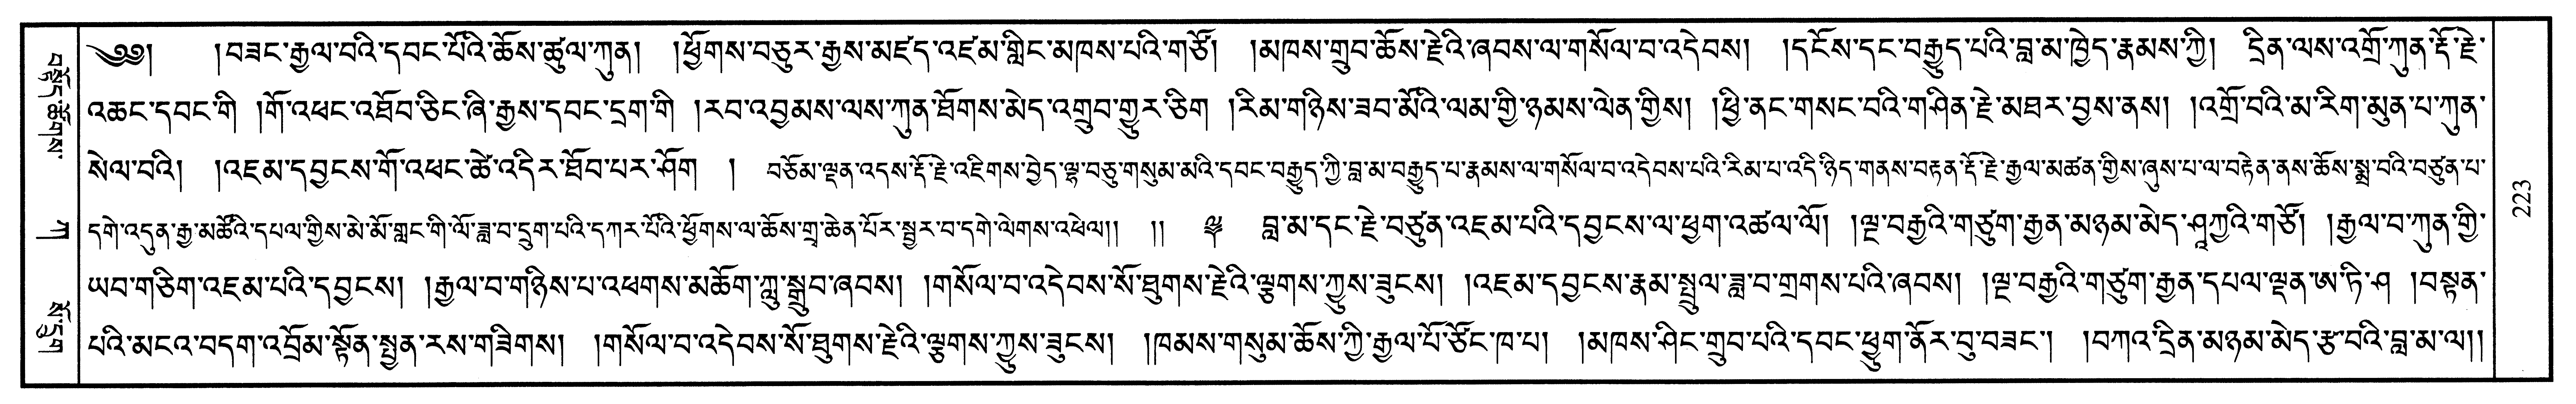༄༅། །བཟང་རྒྱལ་བའི་དབང་པོའི་ཆོས་ཚུལ་ཀུན། །ཕྱོགས་བཅུར་རྒྱས་མཛད་འཛམ་གླིང་མཁས་པའི་གཙོ། །མཁས་གྲུབ་ཆོས་རྗེའི་ཞབས་ལ་གསོལ་བ་འདེབས། །དངོས་དང་བརྒྱུད་པའི་བླ་མ་ཁྱེད་རྣམས་ཀྱི། །དྲིན་ལས་འགྲོ་ཀུན་རྡོ་རྗེ་
འཆང་དབང་གི །གོ་འཕང་འཐོབ་ཅིང་ཞི་རྒྱས་དབང་དྲག་གི །རབ་འབྱམས་ལས་ཀུན་ཐོགས་མེད་འགྲུབ་གྱུར་ཅིག །རིམ་གཉིས་ཟབ་མོའི་ལམ་གྱི་ཉམས་ལེན་གྱིས། །ཕྱི་ནང་གསང་བའི་གཤིན་རྗེ་མཐར་བྱས་ནས། །འགྲོ་བའི་མ་རིག་མུན་པ་ཀུན་
སེལ་བའི། །འཇམ་དབྱངས་གོ་འཕང་ཚེ་འདིར་ཐོབ་པར་ཤོག །བཅོམ་ལྡན་འདས་རྡོ་རྗེ་འཇིགས་བྱེད་ལྷ་བཅུ་གསུམ་མའི་དབང་བརྒྱུད་ཀྱི་བླ་མ་བརྒྱུད་པ་རྣམས་ལ་གསོལ་བ་འདེབས་པའི་རིམ་པ་འདི་ཉིད་གནས་བརྟན་རྡོ་རྗེ་རྒྱལ་མཚན་གྱིས་ཞུས་པ་ལ་བརྟེན་ནས་ཆོས་སྨྲ་བའི་བཙུན་པ་
དགེ་འདུན་རྒྱ་མཚོའི་དཔལ་གྱིས་མེ་མོ་གླང་གི་ལོ་ཟླ་བ་དྲུག་པའི་དཀར་པོའི་ཕྱོགས་ལ་ཆོས་གྲྭ་ཆེན་པོར་སྦྱར་བ་དགེ་ལེགས་འཕེལ།། །། ༈ བླ་མ་དང་རྗེ་བཙུན་འཇམ་པའི་དབྱངས་ལ་ཕྱག་འཚལ་ལོ། །ལྔ་བརྒྱའི་གཙུག་རྒྱན་མཉམ་མེད་ཤཱཀྱའི་གཙོ། །རྒྱལ་བ་ཀུན་གྱི་
ཡབ་གཅིག་འཇམ་པའི་དབྱངས། །རྒྱལ་བ་གཉིས་པ་འཕགས་མཆོག་ཀླུ་སྒྲུབ་ཞབས། །གསོལ་བ་འདེབས་སོ་ཐུགས་རྗེའི་ལྕགས་ཀྱུས་ཟུངས། །འཇམ་དབྱངས་རྣམ་སྤྲུལ་ཟླ་བ་གྲགས་པའི་ཞབས། །ལྔ་བརྒྱའི་གཙུག་རྒྱན་དཔལ་ལྡན་ཨ་ཏི་ཤ་།བསྟན་
པའི་མངའ་བདག་འབྲོམ་སྟོན་སྤྱན་རས་གཟིགས། །གསོལ་བ་འདེབས་སོ་ཐུགས་རྗེའི་ལྕགས་ཀྱུས་ཟུངས། །ཁམས་གསུམ་ཆོས་ཀྱི་རྒྱལ་པོ་ཙོང་ཁ་པ། །མཁས་ཤིང་གྲུབ་པའི་དབང་ཕྱུག་ནོར་བུ་བཟང་། །བཀའ་དྲིན་མཉམ་མེད་རྩ་བའི་བླ་མ་ལ། །